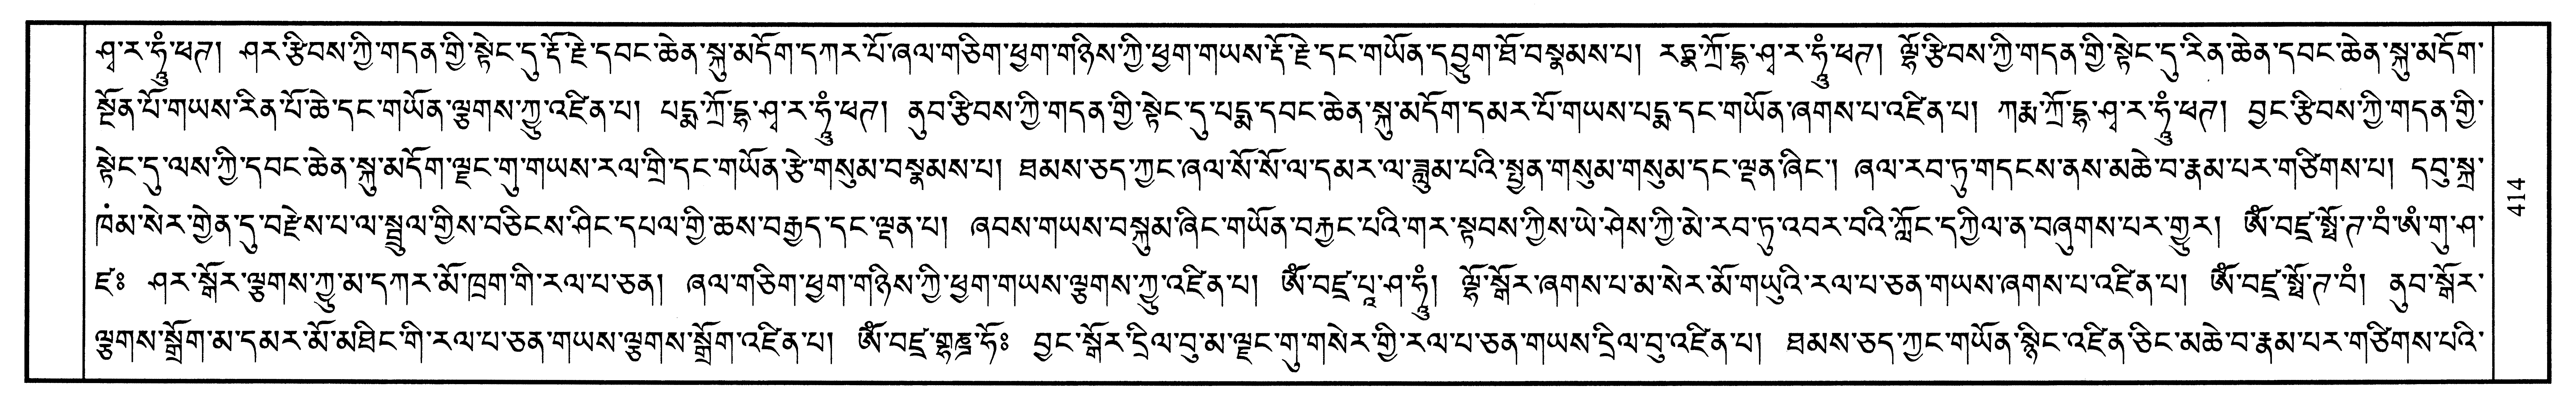ཤྭ་ར་ཧཱུཾ་ཕཊ། ཤར་རྩིབས་ཀྱི་གདན་གྱི་སྟེང་དུ་རྡོ་རྗེ་དབང་ཆེན་སྐུ་མདོག་དཀར་པོ་ཞལ་གཅིག་ཕྱག་གཉིས་ཀྱི་ཕྱག་གཡས་རྡོ་རྗེ་དང་གཡོན་དབྱུག་ཐོ་བསྣམས་པ། རཏྣ་ཀྲོ་དྷ་ཤྭ་ར་ཧཱུཾ་ཕཊ། ལྷོ་རྩིབས་ཀྱི་གདན་གྱི་སྟེང་དུ་རིན་ཆེན་དབང་ཆེན་སྐུ་མདོག་
སྔོན་པོ་གཡས་རིན་པོ་ཆེ་དང་གཡོན་ལྕགས་ཀྱུ་འཛིན་པ། པདམ་ཀྲོ་དྷ་ཤྭ་ར་ཧཱུཾ་ཕཊ། ནུབ་རྩིབས་ཀྱི་གདན་གྱི་སྟེང་དུ་པདམ་དབང་ཆེན་སྐུ་མདོག་དམར་པོ་གཡས་པདམ་དང་གཡོན་ཞགས་པ་འཛིན་པ། ཀརྨ་ཀྲོ་དྷ་ཤྭ་ར་ཧཱུཾ་ཕཊ། བྱང་རྩིབས་ཀྱི་གདན་གྱི་
སྟེང་དུ་ལས་ཀྱི་དབང་ཆེན་སྐུ་མདོག་ལྗང་གུ་གཡས་རལ་གྲི་དང་གཡོན་རྩེ་གསུམ་བསྣམས་པ། ཐམས་ཅད་ཀྱང་ཞལ་སོ་སོ་ལ་དམར་ལ་ཟླུམ་པའི་སྤྱན་གསུམ་གསུམ་དང་ལྡན་ཞིང་། ཞལ་རབ་ཏུ་གདངས་ནས་མཆེ་བ་རྣམ་པར་གཙིགས་པ། དབུ་སྐྲ་
ཁམ་སེར་གྱེན་དུ་བརྫེས་པ་ལ་སྦྲུལ་གྱིས་བཅིངས་ཤིང་དཔལ་གྱི་ཆས་བརྒྱད་དང་ལྡན་པ། ཞབས་གཡས་བསྐུམ་ཞིང་གཡོན་བརྐྱང་པའི་གར་སྟབས་ཀྱིས་ཡེ་ཤེས་ཀྱི་མེ་རབ་ཏུ་འབར་བའི་ཀློང་དཀྱིལ་ན་བཞུགས་པར་གྱུར། ཨོཾ་བཛྲ་སྥོ་ཊ་བཾ་ཨཾ་གུ་ཤ་
ཛཿ ཤར་སྒོར་ལྕགས་ཀྱུ་མ་དཀར་མོ་ཁྲག་གི་རལ་པ་ཅན། ཞལ་གཅིག་ཕྱག་གཉིས་ཀྱི་ཕྱག་གཡས་ལྕགས་ཀྱུ་འཛིན་པ། ཨོཾ་བཛྲ་པཱ་ཤ་ཧཱུཾ། ལྷོ་སྒོར་ཞགས་པ་མ་སེར་མོ་གཡུའི་རལ་པ་ཅན་གཡས་ཞགས་པ་འཛིན་པ། ཨོཾ་བཛྲ་སྥོ་ཊ་བཾ། ནུབ་སྒོར་
ལྕགས་སྒྲོག་མ་དམར་མོ་མཐིང་གི་རལ་པ་ཅན་གཡས་ལྕགས་སྒྲོག་འཛིན་པ། ཨོཾ་བཛྲ་གྷཎྜ་ཧོཿ བྱང་སྒོར་དྲིལ་བུ་མ་ལྗང་གུ་གསེར་གྱི་རལ་པ་ཅན་གཡས་དྲིལ་བུ་འཛིན་པ། ཐམས་ཅད་ཀྱང་གཡོན་སྙིང་འཛིན་ཅིང་མཆེ་བ་རྣམ་པར་གཙིགས་པའི་